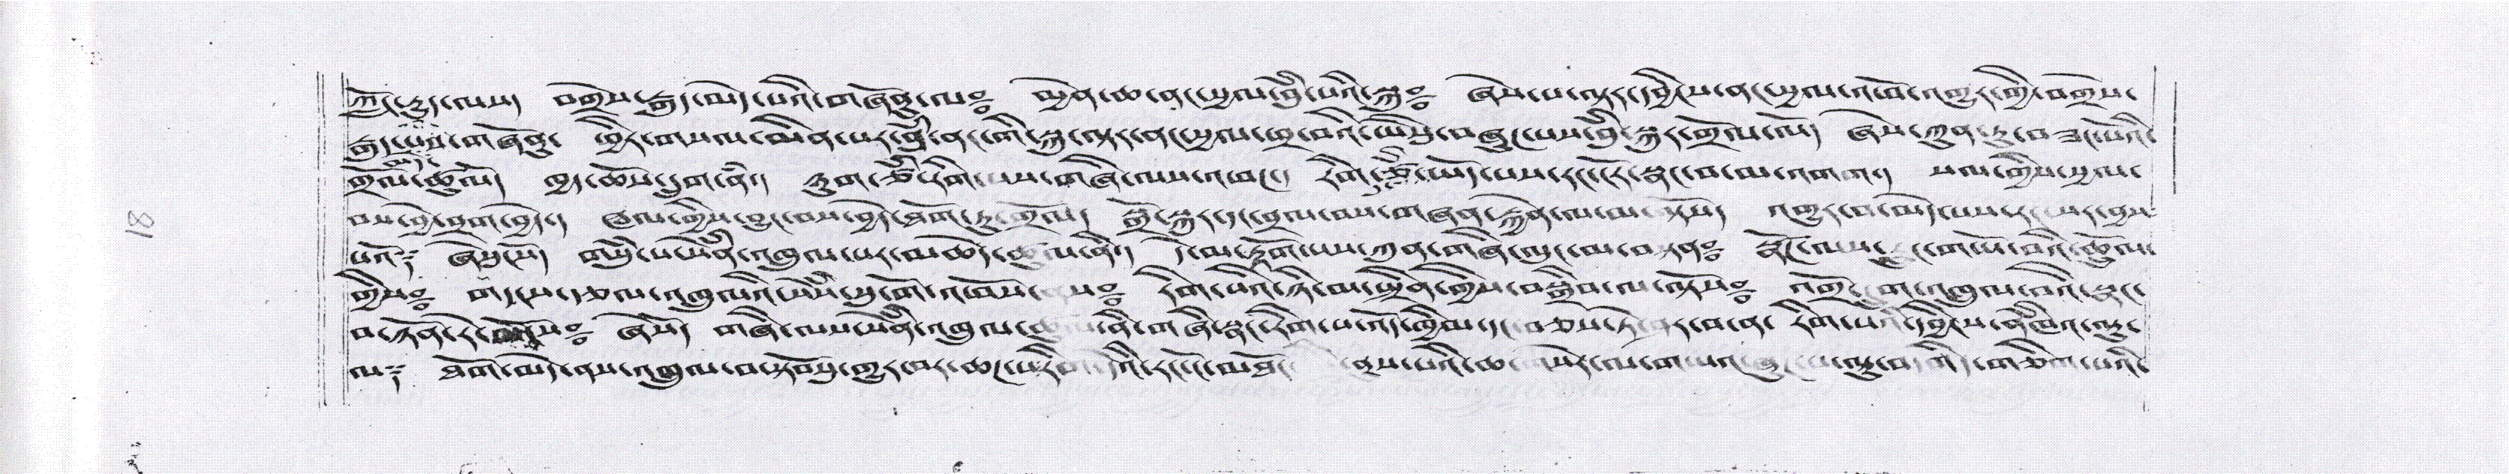ཀློང་རྒྱུད་ལས། བགྲེས་རྒུད་མེད་པའི་གཞོན་ནུ་ལཿ མཁྱེན་ཆ་ནང་གསལ་བུམ་པའི་སྐུཿ ཞེས་པ་ལྟར་དབྱིངས་ནང་གསལ་འཕོ་འགྱུར་གྱི་བགྲེས་
རྒུད་མེད་པའི་གཞོན་ནུ། ཕྱིར་གསལ་མིན་པར་བུམ་ནང་གི་སྐུ་ལྟར་ནང་གསལ་ཕྲ་བའི་ཡེ་ཤེས་སུ་བཞུགས་པ་བུམ་སྐུར་གྲོལ་ལོ། ཞེས་ཀུན་ཏུ་བཟང་པོའི་
གྲོལ་ཚུལ་ལོ། ཁྱད་ཆོས་དྲུག་ནི། ཉུག་ཙམ་རིག་པས་གཞི་ལས་འཕགས། རིག་ཙམ་དུ་ཡོད་པས་རང་ངོར་སྣང་བ་མ་འགག སལ་གྱིས་གསལ་
བས་བྱེ་བྲག་ཕྱེད། ཝལ་གྱིས་བྱུང་བས་བྱེད་ཐོག་ཏུ་གྲོལ། སྒྲོ་སྐུར་དང་བྲལ་བས་གཞན་རྐྱེན་ལ་མ་ལྟོས། འགྱུར་བ་མེད་པས་རང་སར་གནས་
པའོ། ཞེས་གསུངས་སོ། གསུམ་པ་སེམས་ཅན་འཁྲུལ་པར་འཆད་ཚུལ་ནི། དེ་མ་རྟོགས་པས་ཀུན་གཞི་ལུང་མ་བསྟནཿ སྣ་ཚོགས་ལས་རླུང་གཡོ་བའི་ཆོ་འཕྲུལ་
གྱིསཿ གདངས་རྩལ་འཁྲུལ་པའི་སེམས་སུ་གོ་འཕོས་པསཿ རིག་པའི་ཉི་མ་སྤྲིན་གྱིས་བསྒྲིབས་ལ་ལྟོསཿ འགྲོ་དྲུག་འཁྲུལ་པའི་སྣང་
བ་ཉོན་རེ་མོངསཿ ཞེས་སོ། གཞི་ལས་སེམས་ཅན་འཁྲུལ་ཚུལ་ནི། གཞི་སྣང་རིག་པ་འོད་ཁྱིམ་དང་བཅས་ཏེ་ཤར་བ་ན་རིག་པའི་དབྱིངས་ནམ་མཁའ་ལྟ་བུ་
ལ། ཐོག་མེད་ནས་འཁྲུལ་པ་སྟོབས་སུ་གྱུར་པར་ཆགས་པ་རིག་དེའི་རང་ངོ་མཐོང་བའི་ནུས་པའི་ཆ་གསེར་ལ་གཡའ་བྱུགས་པ་ལྟ་བུ་བདག་ཉིད་གཅིག་པའི་